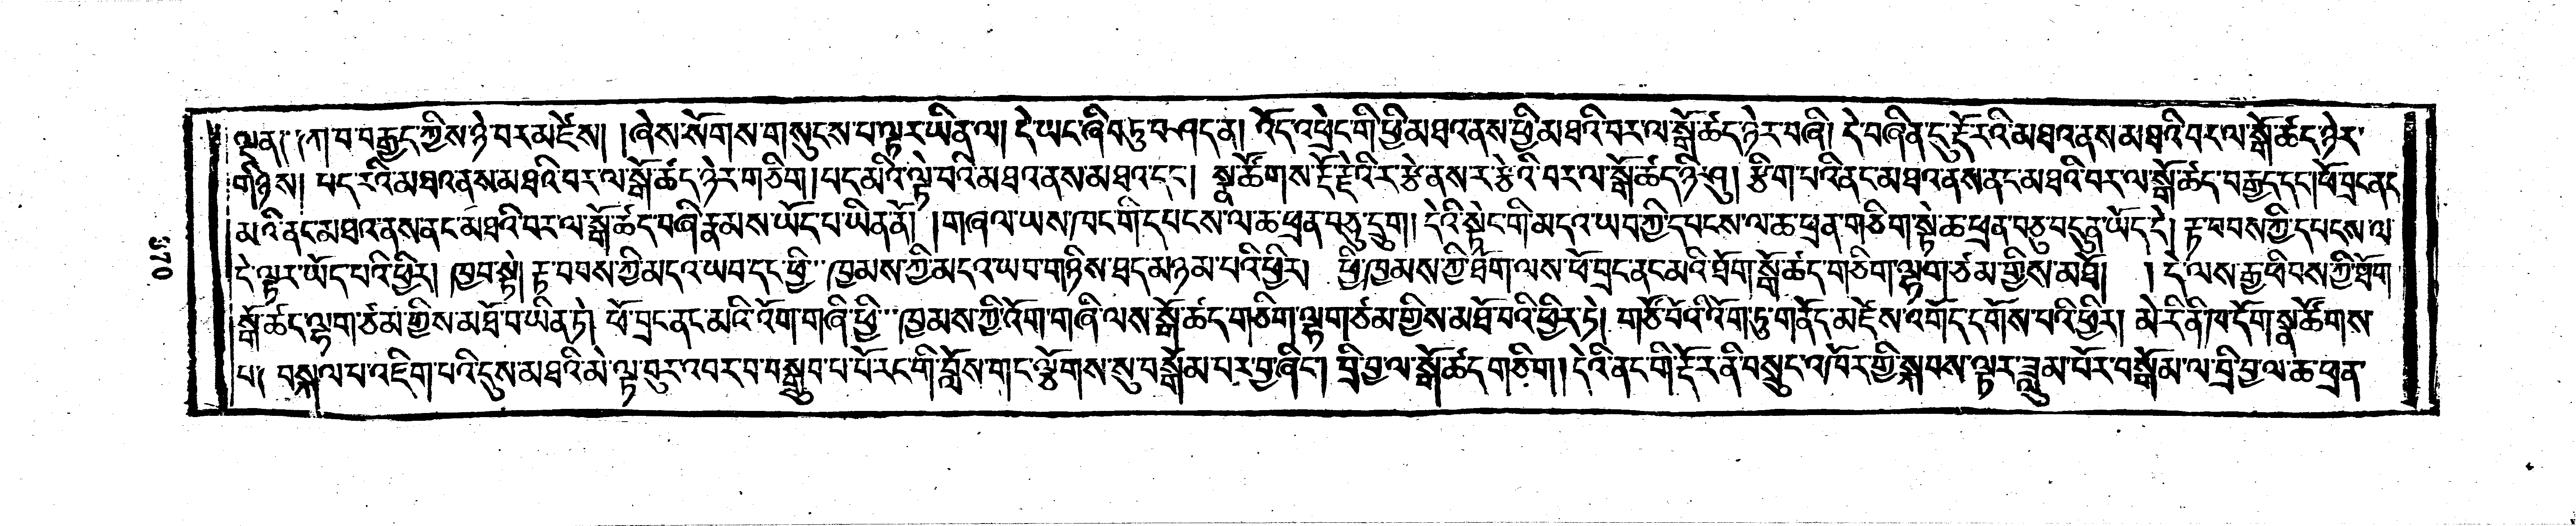ལྡན། །ཀ་བ་བརྒྱད་ཀྱིས་ཉེ་བར་མཛེས། །ཞེས་སོགས་གསུངས་པ་ལྟར་ཡིན་ལ། དེ་ཡང་ཞིབ་ཏུ་བཤད་ན། འོད་འཕྲེང་གི་ཕྱི་མཐའ་ནས་ཕྱི་མཐའི་བར་ལ་སྒོ་ཚད་ཉེར་བཞི། དེ་བཞིན་དུ་རྡོ་རའི་མཐའ་ནས་མཐའི་བར་ལ་སྒོ་ཚད་ཉེར་
གཉིས། པད་རའི་མཐའ་ནས་མཐའི་བར་ལ་སྒོ་ཚད་ཉེར་གཅིག །བང་མའི་ལྟེ་བའི་མཐའ་ནས་མཐའ་དང་། སྣ་ཚོགས་རྡོ་རྗེའི་ར་རྩེ་ནས་ར་རྩེའི་བར་ལ་སྒོ་ཚད་ཉི་ཤུ། རྩིག་པའི་ནང་མཐའ་ནས་ནང་མཐའི་བར་ལ་སྒོ་ཚད་བརྒྱད་དང་། ཕྲོ་བྲང་ནང་
མའི་ནང་མཐའ་ནས་ནང་མཐའི་བར་ལ་སྒོ་ཚང་བཞི་རྣམས་ཡོད་པ་ཡིན་ནོ། །གཞལ་ཡས་ཁང་གི་དཔངས་ལ་ཆ་ཕྲན་བཅུ་དྲུག །དེའི་སྟེང་གི་མངའ་ཡབ་ཀྱི་དཔངས་ལ་ཆ་ཕྲན་གཅིག་སྟེ་ཆ་ཕྲན་བཅུ་བདུན་ཡོད་དེ། རྟ་བབས་ཀྱི་དཔངས་ལ་
དེ་ལྟར་ཡོད་པའི་ཕྱིར། ཁྱབ་སྟེ། རྟ་བབས་ཀྱི་མདའ་ཡབ་དང་ཕྱི་ཁྱམས་ཀྱི་མདའ་ཡབ་གཉིས་ཐད་མཉམ་པའི་ཕྱིར། ཕྱི་ཁྱམས་ཀྱི་ཐོག་ལས་ཕོ་བྲང་ནང་མའི་ཐོག་སྒོ་ཚད་གཅིག་ལྷག་ཙམ་གྱིས་མཐོ། །དེ་ལས་རྒྱ་ཕིབས་ཀྱི་ཐོག་
སྒོ་ཚང་ལྷག་ཙམ་གྱིས་མཐོ་བ་ཡིན་ཏེ། ཕོ་བྲང་ནང་མའི་འོག་གཞི་ཕྱི་ཁྱམས་ཀྱི་འོག་གཞི་ལས་སྒོ་ཚད་གཅིག་ལྷག་ཙམ་གྱིས་མཐོ་བའི་ཕྱིར་ཏེ། གཙོ་བོའི་འོག་ཏུ་གནོད་མཛེས་འགོང་དགོས་པའི་ཕྱིར། མེ་རི་ནི་ཁ་དོག་སྣ་ཚོགས་
པ༑ བསྐལ་བ་འཇིག་པའི་དུས་མཐའི་མེ་ལྟ་བུར་འབར་བ་བསྒྲུབ་པ་པོ་རང་གི་བློས་གང་ལྕོགས་སུ་བསྒོམ་པར་བྱ་ཞིང་། བྲི་བྱ་ལ་སྒོ་ཚད་གཅིག །དེའི་ནང་གི་རྡོར་ནི་བསྲུང་འཁོར་གྱི་སྐབས་ལྟར་གཟླུམ་པོར་བསྒོམ་ལ་བྲི་བྱ་ལ་ཆ་ཕྲན་